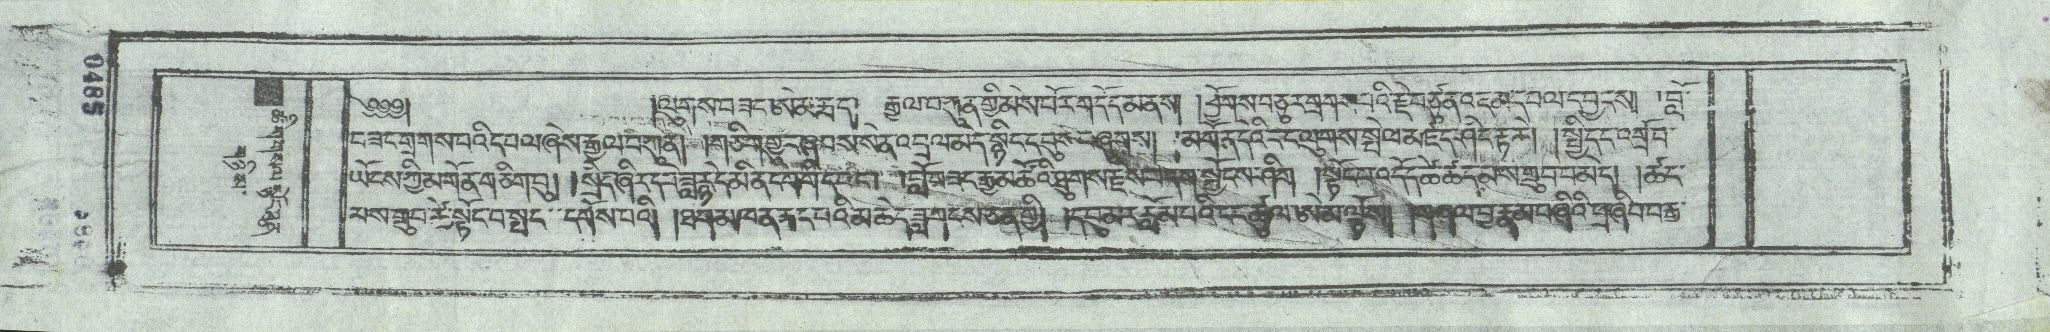༄༅༅། །ལུགས་བཟང་ཨེ་མ་རྨད། རྒྱལ་བ་ཀུན་གྱི་མེས་པོར་གདོད་མ་ནས། །ཕྱོགས་བཅུར་གྲགས་པའི་རྗེ་བཙུན་འཇམ་དཔལ་དབྱངས། །བློ་
བཟང་གྲགས་པའི་དཔལ་ཞེས་རྒྱལ་བ་ཀུན། །གཅིག་གྱུར་ཞབས་སེན་འབྲལ་མེད་སྙིང་དབུས་བཞུགས། །མགོན་དེའི་རང་ལུགས་སྤེལ་མཛད་ཤིང་རྟ་ཆེ། །སྤྱི་དང་འགྲོ་བ་
ཡོངས་ཀྱི་མགོན་གཅིག་པུ། །སྲིད་ཞིར་དཔེ་ཟླ་རྙེད་མིན་ངག་གི་དབང་། །བློ་བཟང་རྒྱ་མཚོའི་ཐུགས་རྗེས་བདག་སྐྱོངས་ཤིག །སྟོང་པ་འདོད་ཚེ་ཚད་མས་གྲུབ་པ་མེད། །ཚད་
མས་གྲུབ་ཚེ་སྟོང་པ་སྤང་དགོས་པའི། །ཐག་མཁན་རྐང་པའི་མཆེད་ཟླ་གངས་ཅན་གྱི། །དབུ་མར་རློམ་པའི་དང་ཚུལ་ཨེ་མ་ལྟོས། །གཞལ་བྱ་རྣམ་བཞིའི་ཕྲ་ཞིབ་བརྒྱ་